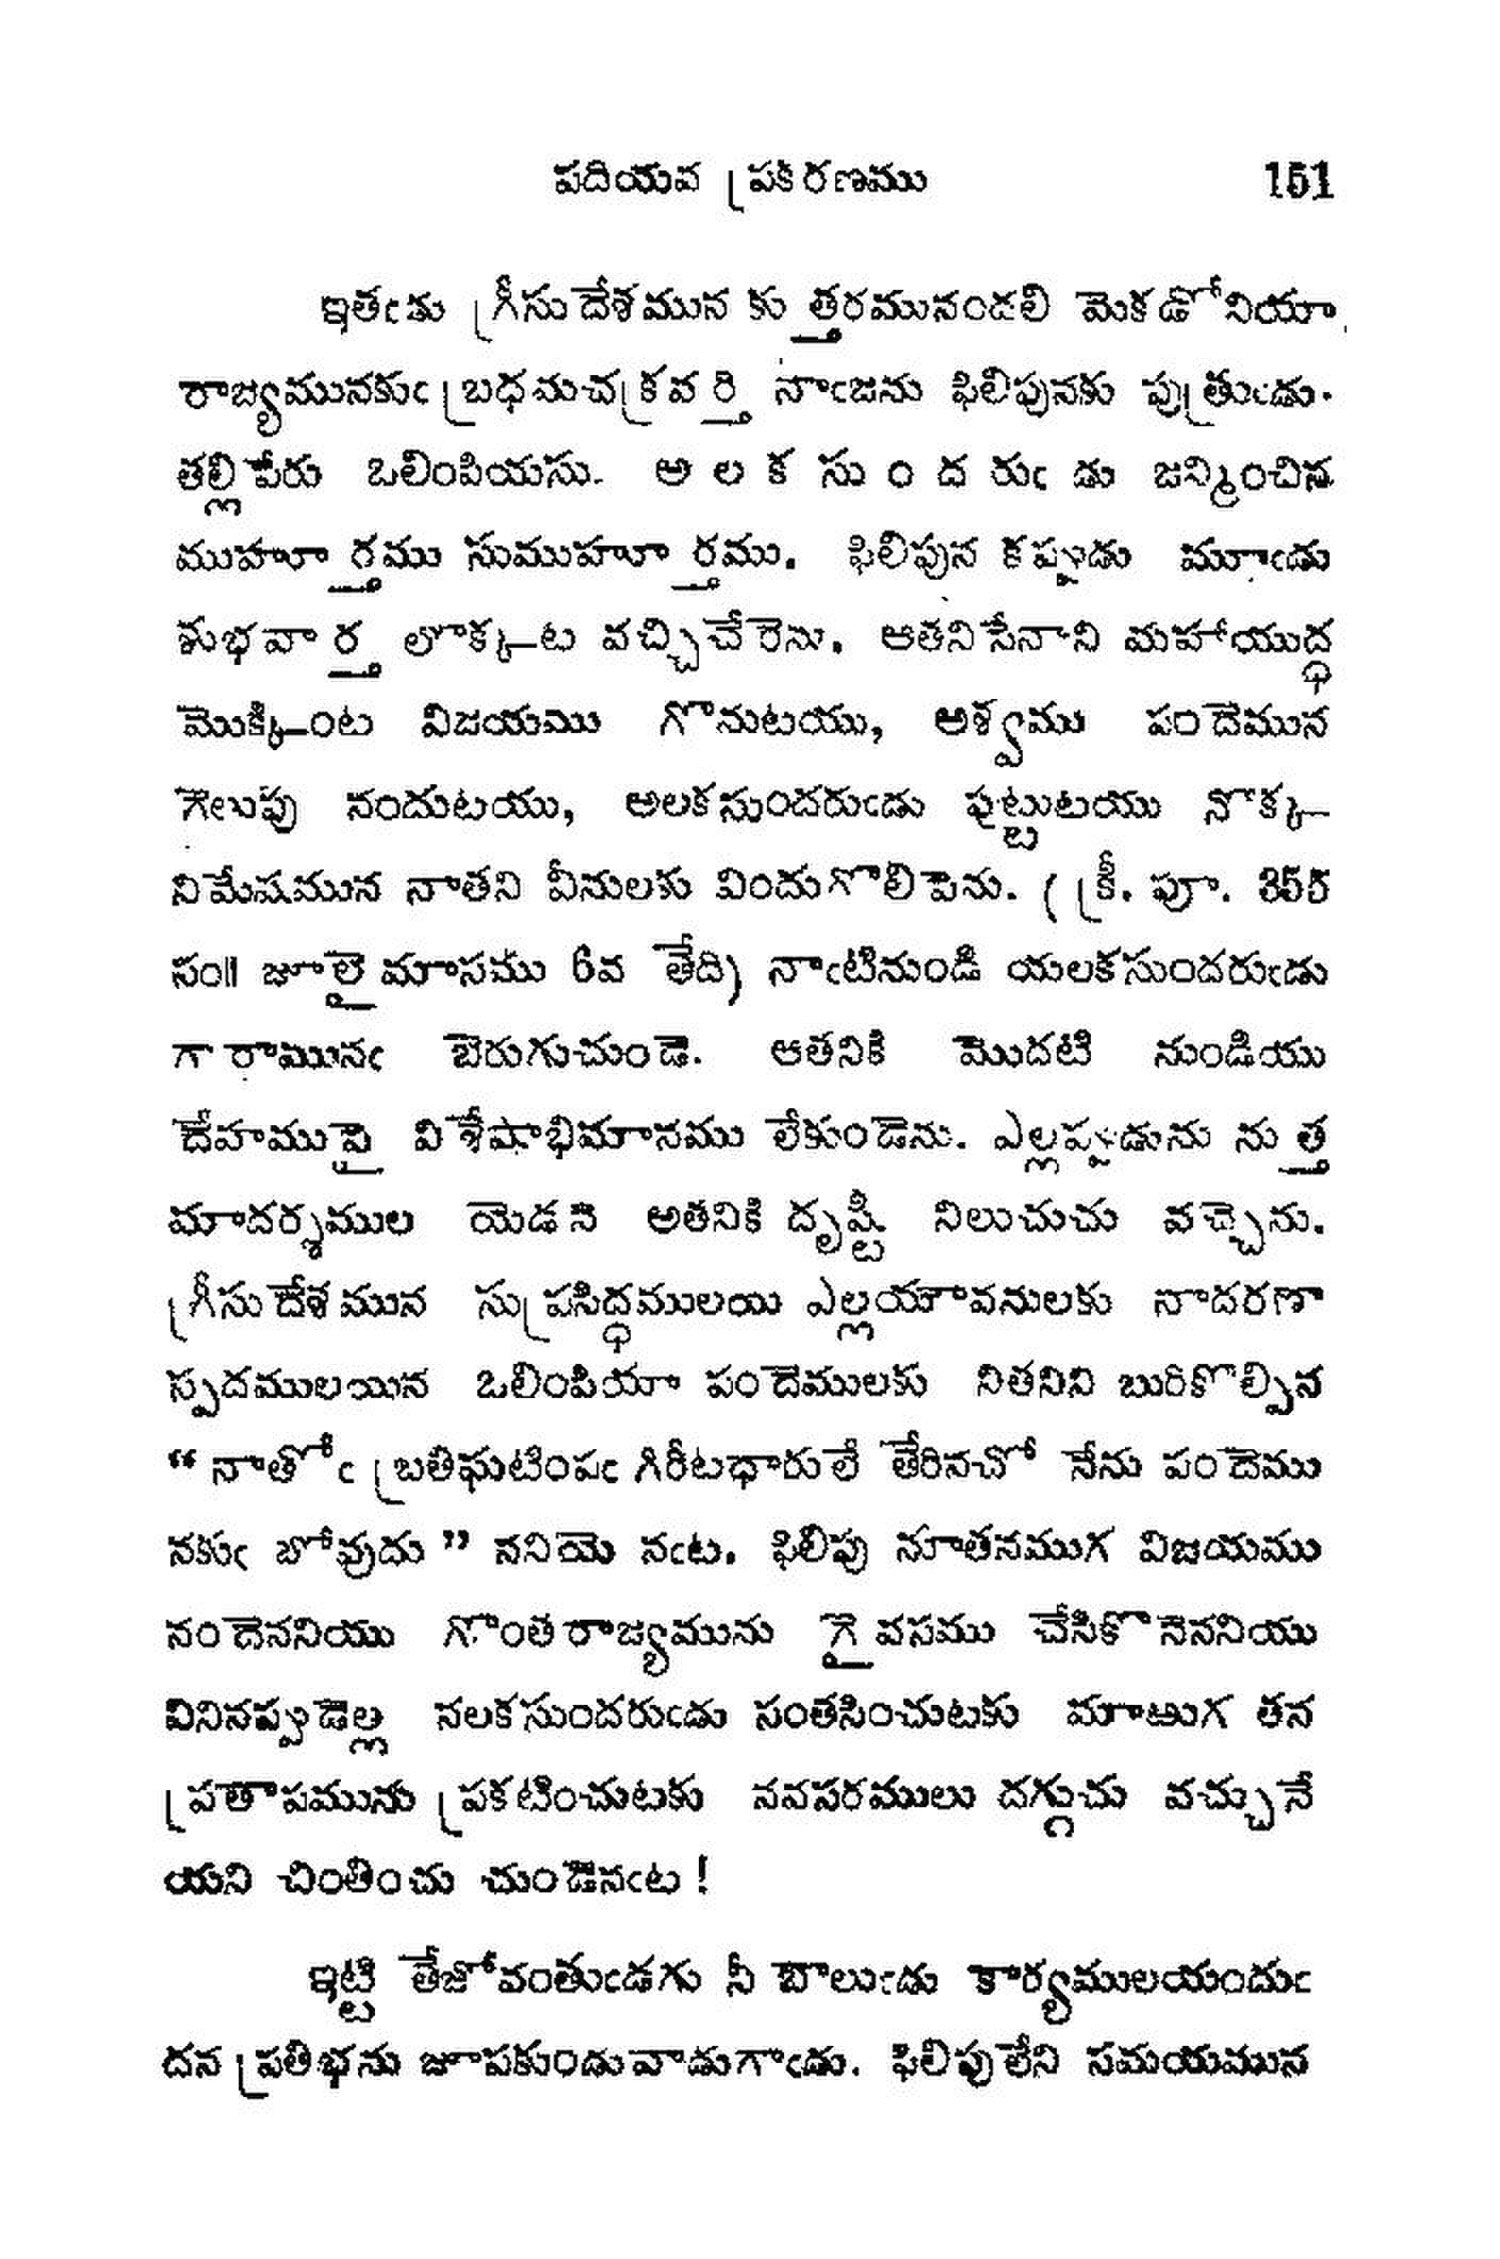ఇతఁడు గ్రీసుదేశమున కుత్తరమునందలి మెకడోనియా, రాజ్యమునకుఁ బ్రధమచక్రవర్తి నాఁజను ఫిలిపునకు పుత్రుఁడు. తల్లిపేరు ఒలింపియసు. అలకసుందరుఁడు జన్మించిన ముహూర్తము సుముహూర్తము. ఫిలిపున కప్పుడు మూడు శుభవార్త లొక్కట వచ్చిచేరెను. అతనిసేనాని మహాయుద్ద మొక్కింట విజయము గొనుటయు, అశ్వము పందెమున గెలుపు నందుటయు, అలకసుందరుఁడు పుట్టుటయు నొక్కనిమేషమున నాతని వీనులకు విందుగొలిపెను. ( క్రీ. పూ. 355 సం! జూలై మాసము 6వ తేదీ) నాఁటినుండి యలకసుందరుఁడు గారామునఁ బెరుగుచుండె. ఆతనికి మొదటి నుండియు దేహము పై విశేషాభిమానము లేకుండెను. ఎల్లప్పుడును నుత్త మాదర్శముల యెడనె అతనికి దృష్టి నిలుచుచు వచ్చెను. గ్రీసుదేశమున సుప్రసిద్ధములయి ఎల్లయౌవనులకు నాదరణా స్పదములయిన ఒలింపియా పందెములకు నితనిని బురికొల్పిన “నాతోఁ బ్రతిఘటింపఁ గిరీటధారులే తేరినచో నేను పందెమునకుఁ బోవుదు” సనియె నఁట. ఫిలిపు నూతనముగ విజయము నందెననియు గొంతరాజ్యమును గైవసము చేసికొనెననియు వినినప్పుడెల్ల నలకసుందరుఁడు సంతసించుటకు మాఱుగ తన ప్రతాపమును ప్రకటించుటకు నవసరములు దగ్గుచు వచ్చునే యని చింతించు చుండెనఁట!

ఇట్టి తేజోవంతుఁడగు నీ బాలుఁడు కార్యములయందుఁ దన ప్రతిభను జూపకుండువాడుగాఁడు. ఫిలిపులేని సమయమున